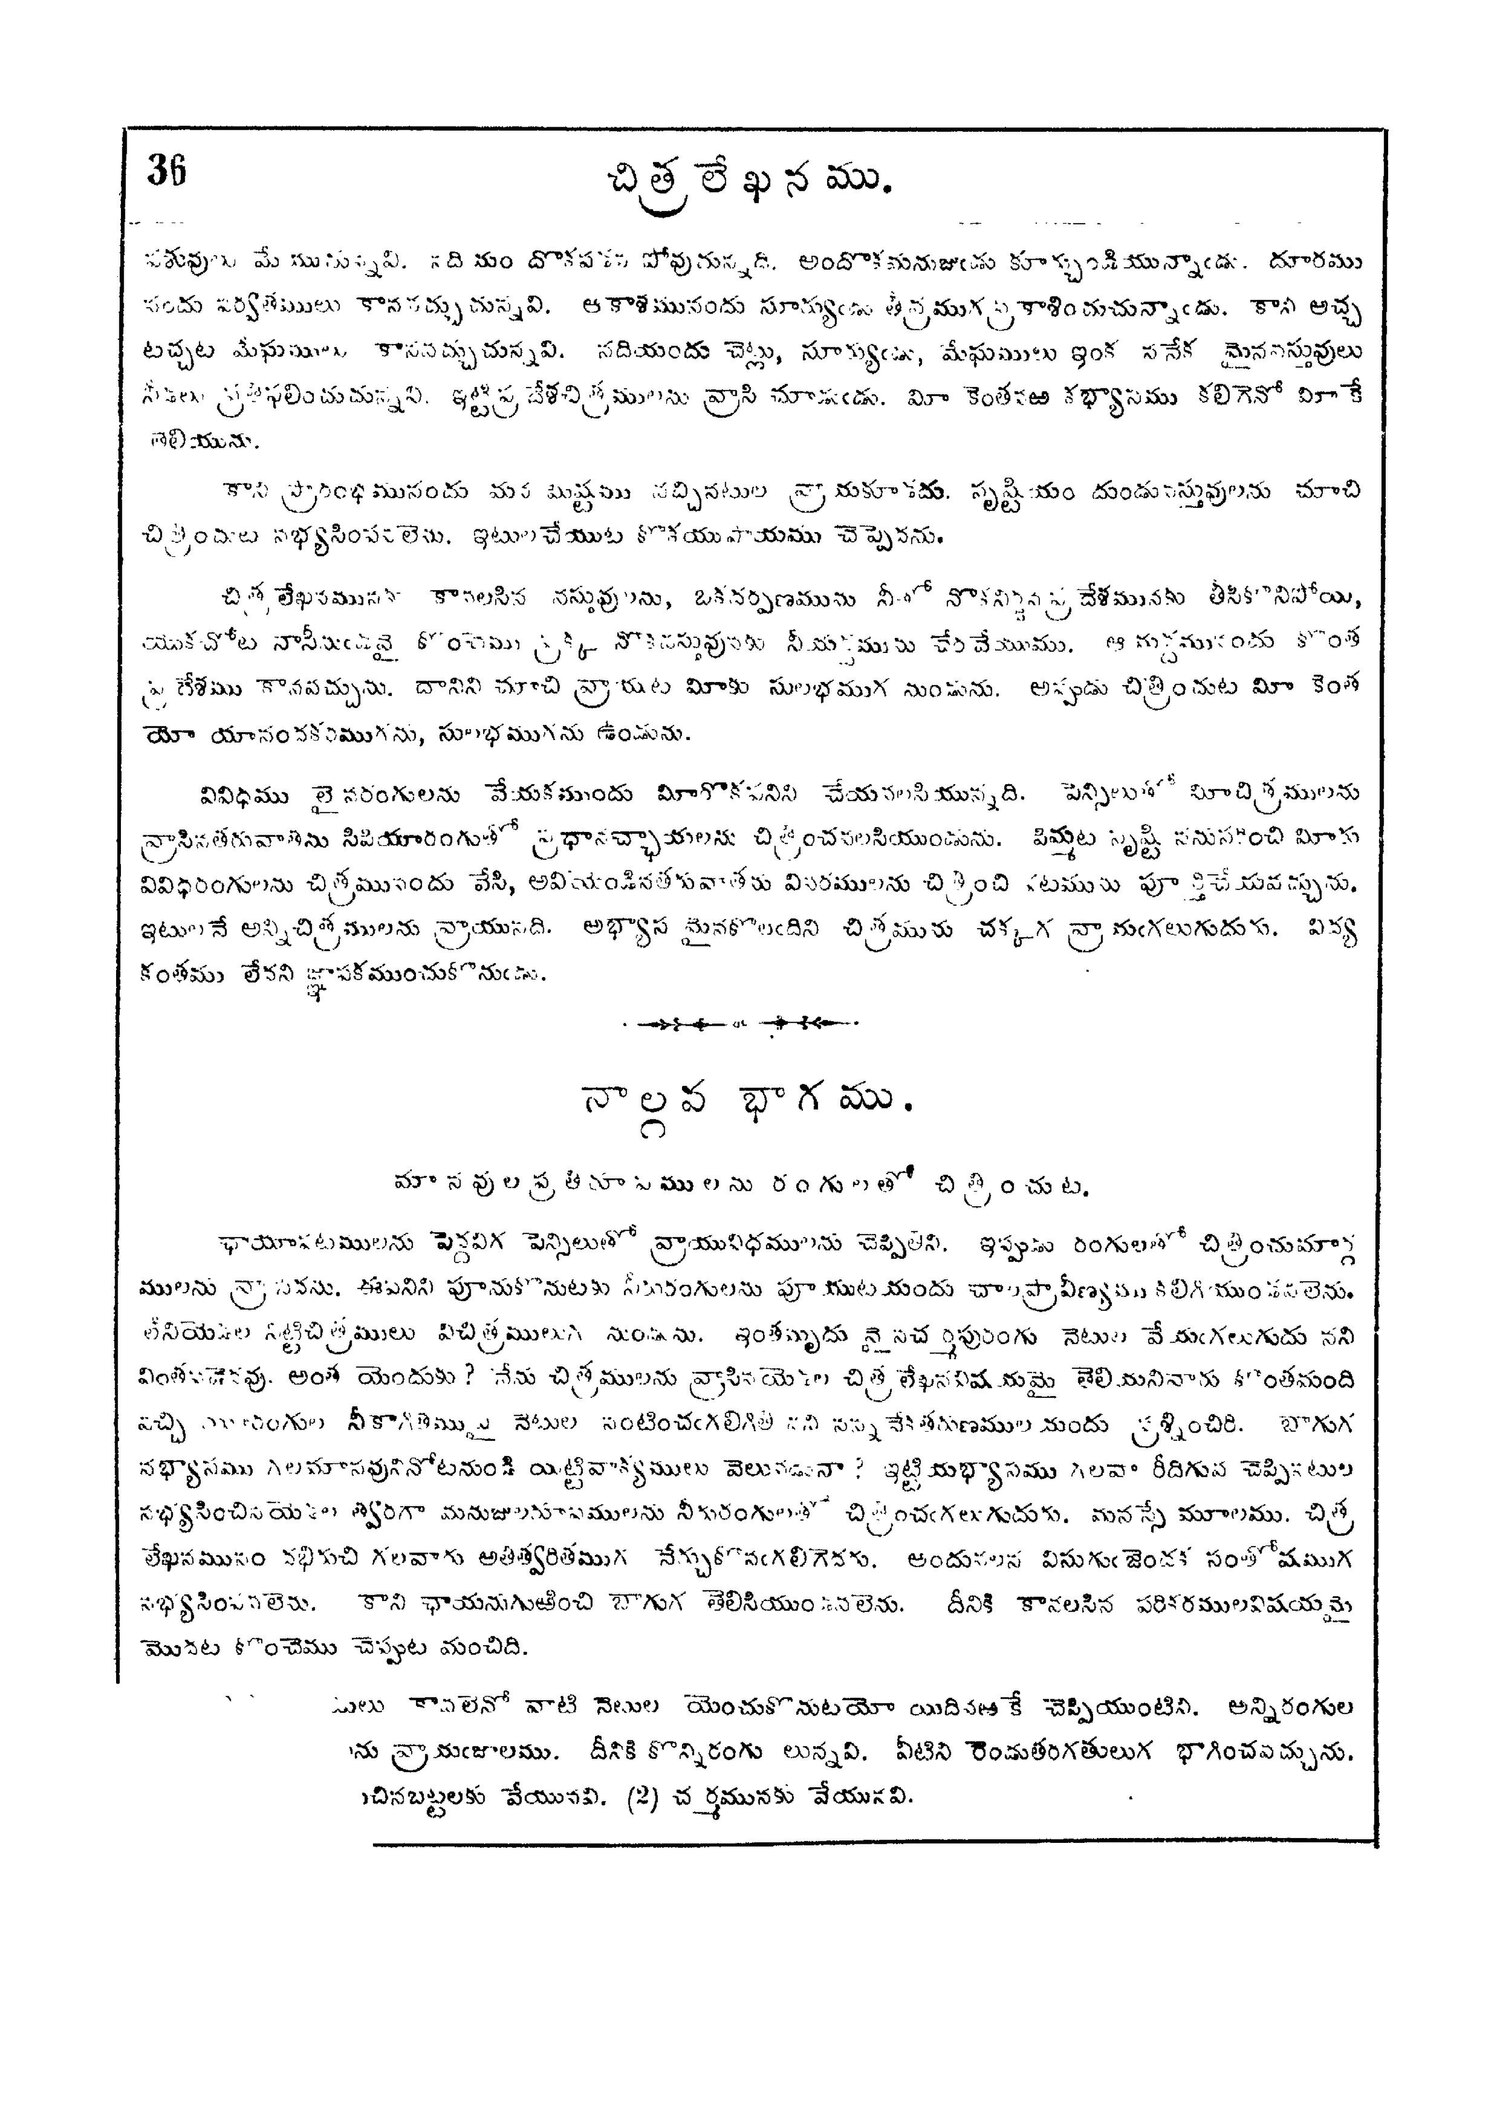పశువులు మేయుచున్నవి. నదియం దొకపడవ పోవుచున్నది. అందొకమనుజుడు కూర్చుండియున్నాడు. దూరమునందు పర్వతములు కానవచ్చుచున్నవి. ఆకాశమునందు సూర్యుడు తీవ్రముగప్రకాశించుచున్నాడు. కాని అచ్చటచ్చట మేఘములు కానవచ్చుచున్నవి. నదియందు చెట్లు, సూర్యుడు,మేఘములు ఇంక ననేక మైనవస్తువులు నీడలు ప్రతిఫలించుచున్నవి. ఇట్టిప్రదేశచిత్రములను వ్రాసి చూడుడు. మీ కెంతవఱ కభ్యాసము కలిగెనో మీకే తెలియును.

కాని ప్రారంభమునందు మన మిష్టము వచ్చినటుల వ్రాయకూడదు. సృష్టియం దుండువస్తువులను చూచి చిత్రించుట నభ్యసింపవలెను. ఇటులచేయుట కొకయుపాయము చెప్పెదను.

చిత్రలేఖనమునకు కావలసిన వస్తువులను, ఒకదర్పణమును నీతో నొకనిర్జనప్రదేశమునకు తీసికొనిపోయి, యొకచోట నాసీనుడవై కొంచెము ప్రక్క నొకవస్తువునకు నీయద్దమును చేరవేయుము. ఆ యద్దమునందు కొంతప్రదేశము కానవచ్చును. దానిని చూచి వ్రాయుట మీకు సులభముగ నుండును. అప్పుడు చిత్రించుట మీ కెంతయో యానందకరముగను, సులభముగను ఉండును.

వివిధము లైనరంగులను వేయకముందు మీరొకపనిని చేయవలసియున్నది. పెన్సిలుతో మీచిత్రములను వ్రాసినతరువాతను సిపియారంగుతో ప్రధానచ్ఛాయలను చిత్రించవలసియుండును. పిమ్మట సృష్టి ననుసరించి మీరు వివిధరంగులను చిత్రమునందు వేసి, అవియెండినతరువాతను వివరములను చిత్రించి పటమును పూర్తిచేయవచ్చును. ఇటులనే అన్నిచిత్రములను వ్రాయునది అభ్యాస మైనకొలదిని చిత్రమును చక్కగ వ్రాయగలుగుదురు. విద్య కంతము లేదని జ్ఞాపకముంచుకొనుడు.

ఛాయాపటములను పెద్దవిగ పెన్సిలుతో వ్రాయువిధములను చెప్పితిని.ఇప్పుడు రంగులతో చిత్రించుమార్గములను వ్రాసెదను. ఈపనిని పూనుకొనుటకు నీకురంగులను పూయుటయందు చాలప్రావీణ్యము కలిగియుండవలెను. లేనియెడల నిట్టిచిత్రములు విచిత్రములుగ నుండును. ఇంతమృదు వైనచర్మపురంగు నెటుల వేయగలుగుదు నని చింతపడెదవు. అంత యెందుకు? నేను చిత్రములను వ్రాసినయెడక చిత్రలేఖనవిషమై తెలియనివారు కొంతమంది వచ్చి యీరంగుల నీకాగితముపై నెటుల నంటించగలిగితి నని నన్ననేకతరుణములయందు ప్రశ్నించిరి. బాగుగ నభ్యాసము గలమానవునినోటనుండి యిట్టివాక్యములు వెలువడునా? ఇట్టియభ్యాసము గలవా రీదిగువ చెప్పినటుల నభ్యసించినయెడల త్వరగా మనుజులరూపములను నీరురంగులతో చిత్రించగలుగుదురు. మనస్సే మూలము.చిత్రలేఖనమునం దభిరుచి గలవారు అతిత్వరితముగ నేర్చుకొన గలిగెదరు. అందువలన విసుగుజెందక సంతోషముగ నభ్యసింపవలెను. కాని ఛాయనుగుఱించి బాగుగ తెలిసియుండవలెను. దీనికి కావలసిన పరికరములవిషయమై మొదట కొంచెము చెప్పుట మంచిది.

 కావలెనో వాటి నెటుల యెంచుకొనుటయో యిదివఱకే చెప్పియుంటిని. అన్నిరంగుల ------------- వ్రాయజాలము. దీనికి కొన్నిరంగు లున్నవి. వీటిని రెండుతరగతులుగ భాగించవచ్చును. -------------- చినబట్టలకు వేయునవి. (2) చర్మమునకు వేయునవి.